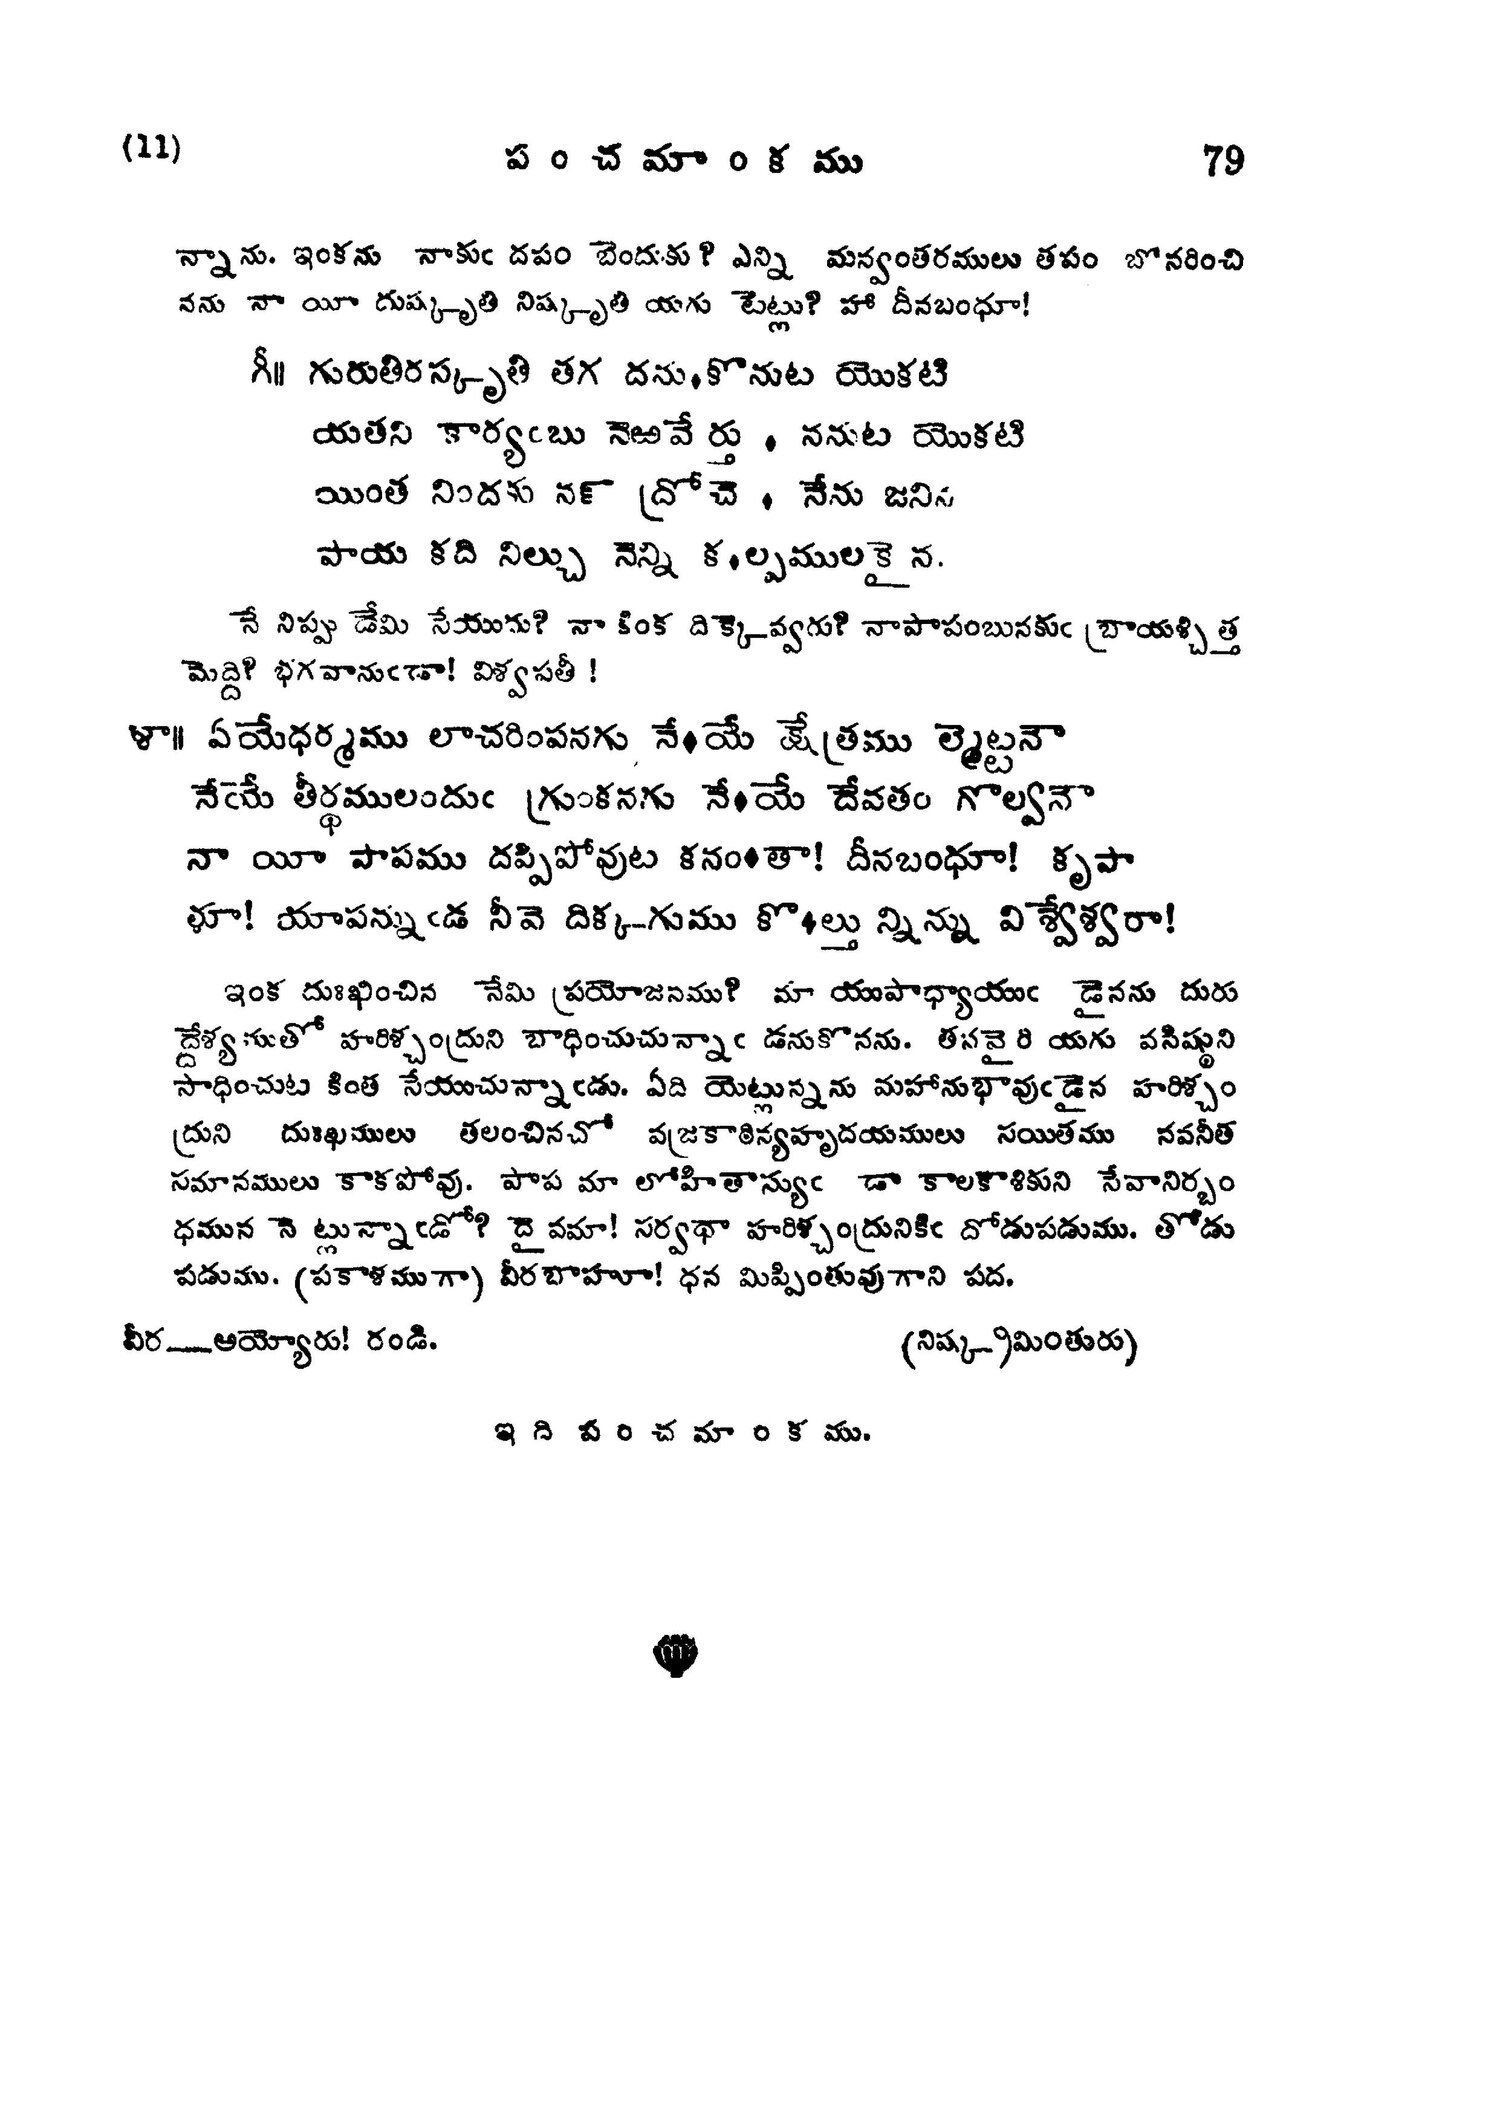న్నాను. ఇంకను నాకు దపం
బెందులకు? ఎన్ని మన్వంతరములు తపంబొనరించినను నా యీ దుష్కృతి
నిష్కృతి యగుటెట్లు? హా దీనబంధూ!

గీ. 	గురుతిరస్కృతి తగదనుకొనుట యొకటి
యతని కార్యంబు నెఱవేర్తుననుట యొకటి
యింత నిందకు నన్‌ ద్రోచె నేను జనినఁ
పాయ కది నిల్చు నెన్నిక కల్పములకైన

నే నిప్పుడేమి సేయుదు? నాకింక దిక్కెవరు? నా పాపంబునకుఁ బ్రాయశ్చితమెద్ది? భగవానుఁడా విశ్వపతీ!

శా. 	ఏయే ధర్మము లాచరింప నగు నేయే క్షేత్రము ల్మెట్టనౌ
నేయే తీర్థములందుఁ గ్రుంక నగు నేయే దేవులం గొల్వనౌ
నాయీ పాపము దప్పిపోవుట కనంతా దీనబంధూ! కృపా
ళూ! యాపన్నుఁడ నీ వె దిక్కగుము కొల్తున్నిన్ను విశ్వేశ్వరా!

ఇంక దుఃఖించిన నేమి ప్రయోజనము? మా యుపాధ్యాయుడైనను
దురుద్దేశముతో హరిశ్చంద్రుని బాధించుచున్నా డనుకొనను. తన వైరియగు వసిష్ఠుని
సాధించుటకింత సేయుచున్నాడు. ఏది యెట్లున్నను మహానుభావుడైన హరిశ్చంద్రుని
దుఃఖములు తలంచినచో వజ్రకాఠిన్య హృదయములు సైతము నవనీత సమానములు
కాకపోవు. పాపమా లోహితాస్యుడా కాలకౌశికుని సేవానిర్బంధములో నెట్లున్నాడో!
దైవమా! సర్వదా హరిశ్చంద్రునకుఁ దోడుపడుము.
(ప్రకాశముగా) వీరబాహూ! ధనమిప్పింతువు గాని పద.

వీర: 	అయ్యోరూ రండి.

(నిష్క్రమింతురు)

ఇది పంచమాంకము.